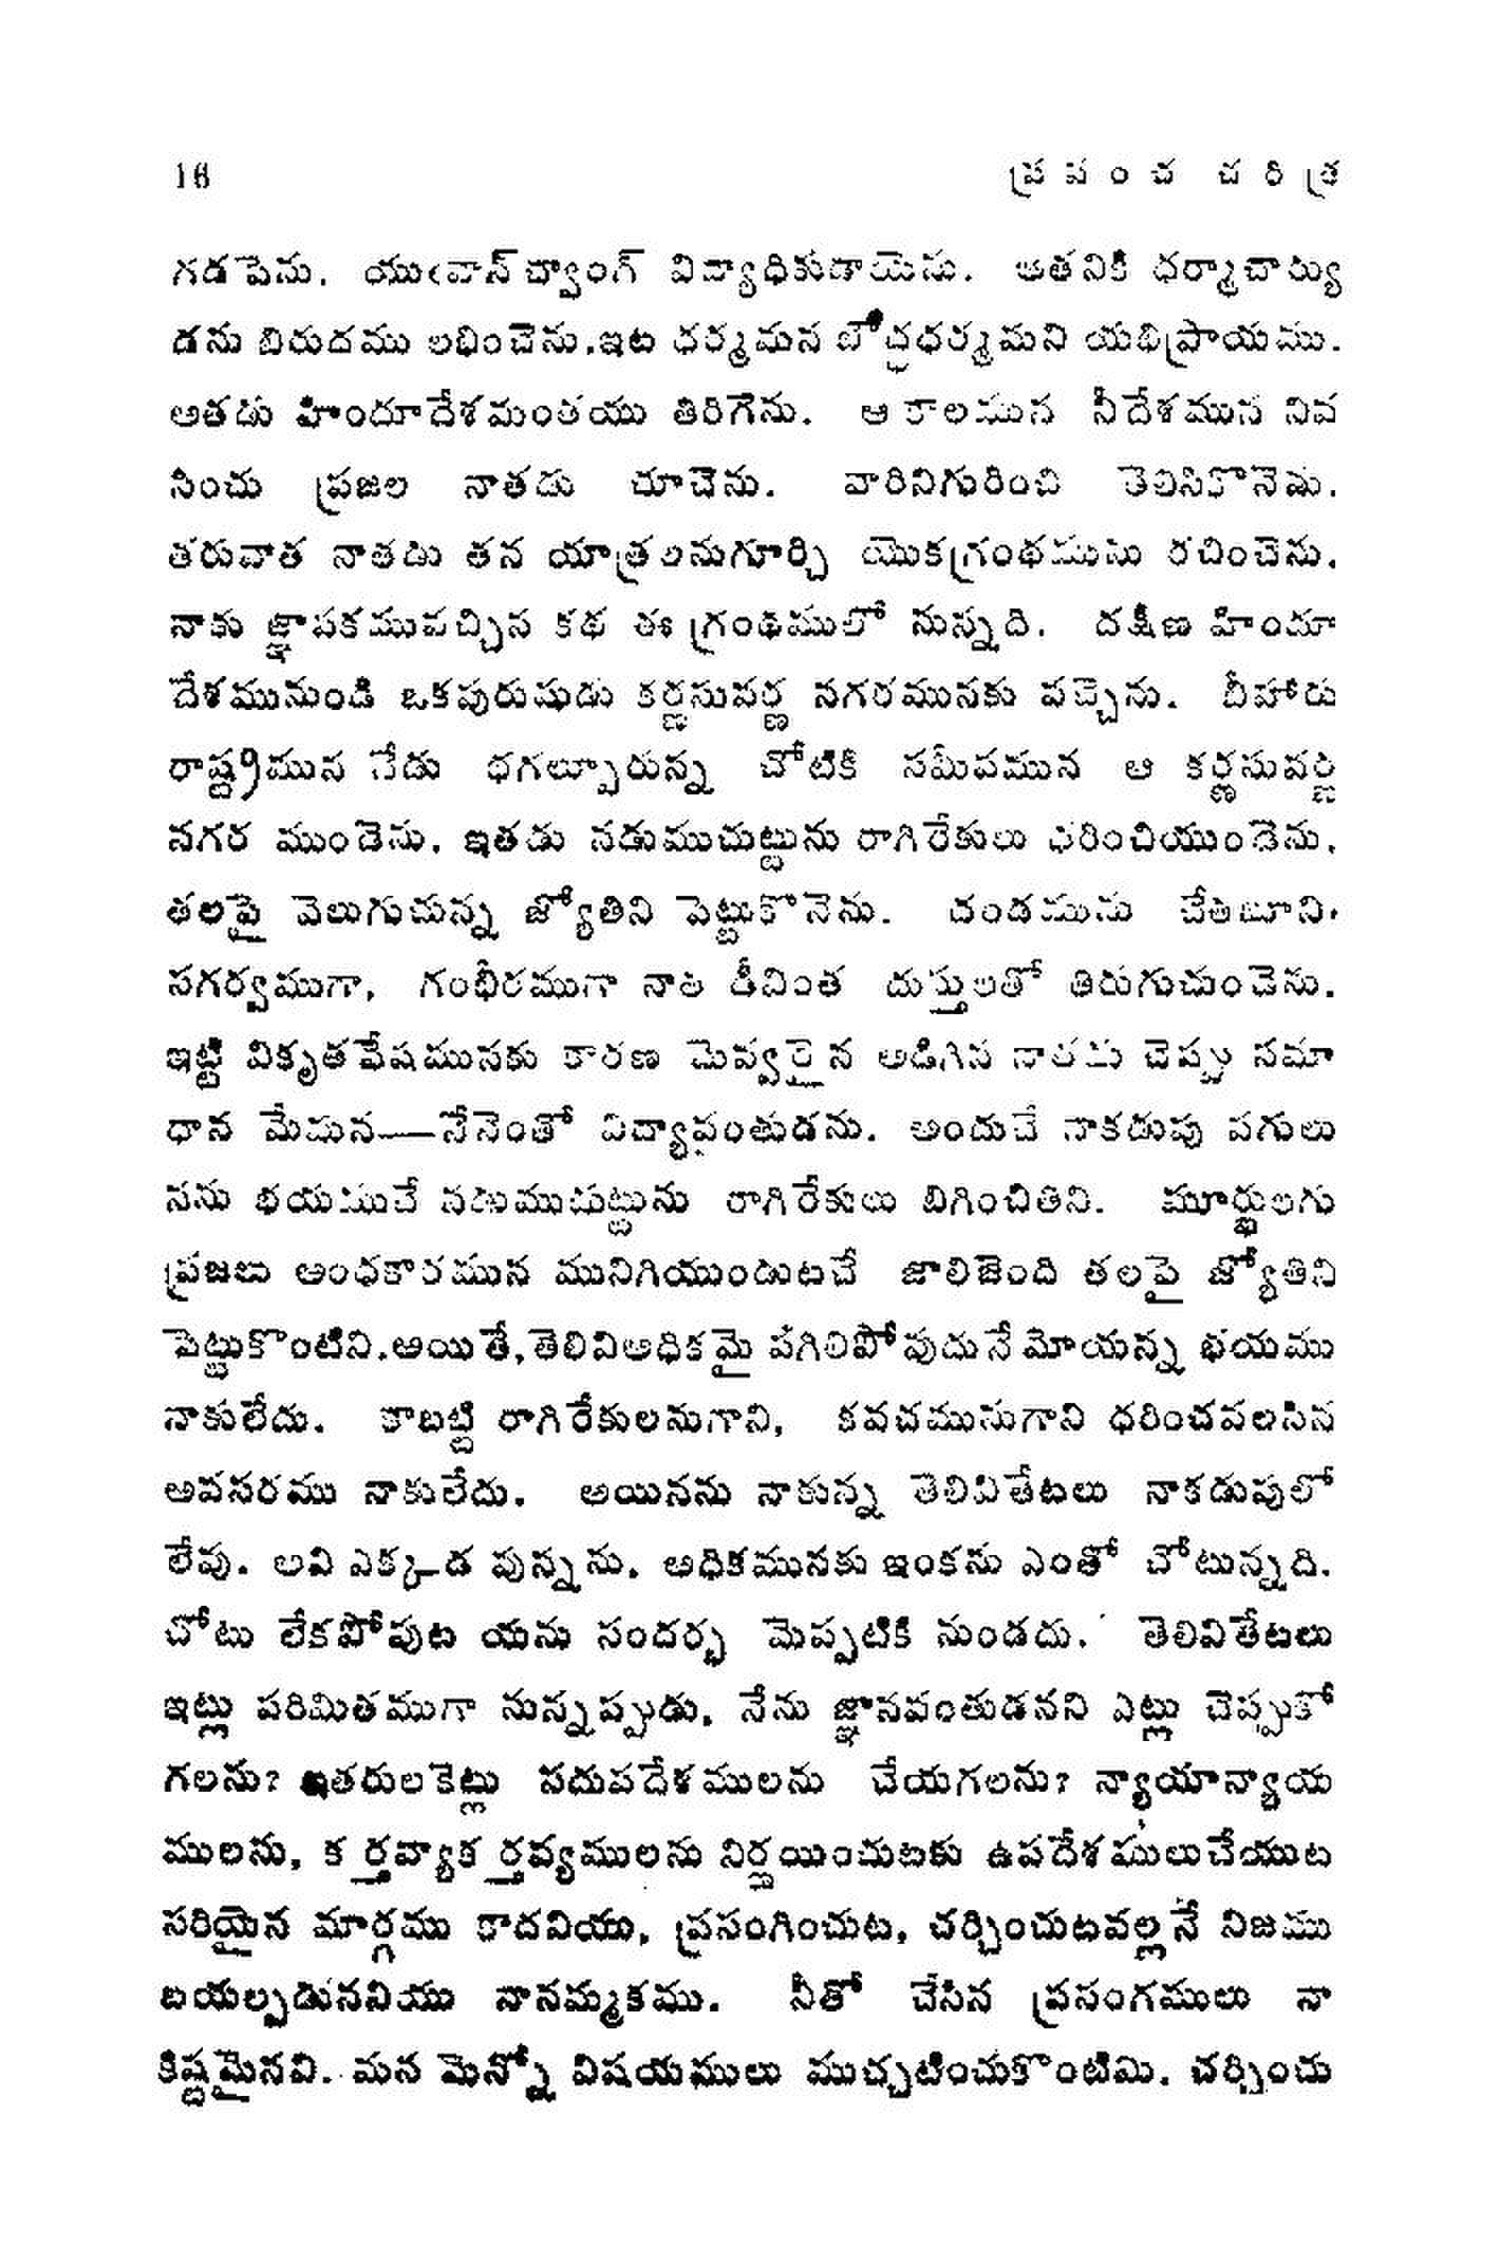గడపెను. యుఁవాన్‌చ్వాంగ్ విద్యాధికుడాయెను. అతనికి ధర్మాచార్యుడను బిరుదము లభించెను.ఇట ధర్మమన బౌద్దధర్మమని యభిప్రాయము. అతడు హిందూదేశమంతయు తిరిగెను. ఆ కాలమున నీదేశమున నివసించు ప్రజల నాతడు చూచెను. వారినిగురించి తెలిసికొనెను. తరువాత నాతడు తన యాత్రలనుగూర్చి యొక గ్రంథమును రచించెను. నాకు జ్ఞాపకమువచ్చిన కథ ఈ గ్రంథములో నుస్నది. దక్షిణ హిందూదేశమునుండి ఒకపురుషుడు కర్ణసువర్ణ నగరమునకు వచ్చెను. బీహారు రాష్ట్రమున నేడు భగల్పూరున్న చోటికి సమీపమున ఆ కర్ణసువర్ణ నగర ముండెను. ఇతడు నడుముచుట్టును రాగిరేకులు ధరించియుండెను, తలపై వెలుగుచున్న జ్యోతిని పెట్టుకొనెను. దండమును చేతబూని, సగర్వముగా, గంభీరముగా నాతి డీవింత దుస్తులతో తిరుగుచుండెను. ఇట్టి వికృత వేషముసకు కారణ మెవ్వరైన అడిగిన నాతడు చెప్పు సమాధాన మేఘన - నేనెంతో విద్యావంతుడను. అందుచే నాకడుపు పగులు నను భయముచే నడుముచుట్టును రాగిరేకులు బిగించితిని. మూర్ఖులగు ప్రజలు ఆంధకారమున మునిగియుండుటచే జాలిజెంది తలపై జ్యోతిని పెట్టుకొంటిని. అయితే, తెలివి అధికమై పగిలిపోవుదు నేమోయన్న భయము నాకులేదు. కాబట్టి రాగిరేకులనుగాని, కవచమునుగాని ధరించవలసిన అవసరము నాకు లేదు. అయినను నాకున్న తెలివితేటలు నాకడుపులో లేవు. అవి ఎక్కడ వున్నను. అధికమునకు ఇంకసు ఎంతో చోటున్నది. చోటు లేకపోవుట యను సందర్భ మెప్పటికి నుండదు. తెలివితేటలు ఇట్లు పరిమితముగా నున్నప్పుడు, నేను జ్ఞానవంతుడనని ఎట్లు చెప్పుకో గలను? ఇతరులకెట్లు సదుపదేశములను చేయగలను? న్యాయాన్యాయములను, కర్తవ్యాక ర్తవ్యములను నిర్ణయించుటకు ఉపదేశములు చేయుట సరియైన మార్గము కాదవియు, ప్రసంగించుట, చర్చించుటవల్లనే నిజము బయల్పడుననియు నానమ్మకము. నీతో చేసిన ప్రసంగములు నా ఇష్టమైనవి. మన మెన్నో విషయములు ముచ్చటించుకొంటిమి. చర్చించు